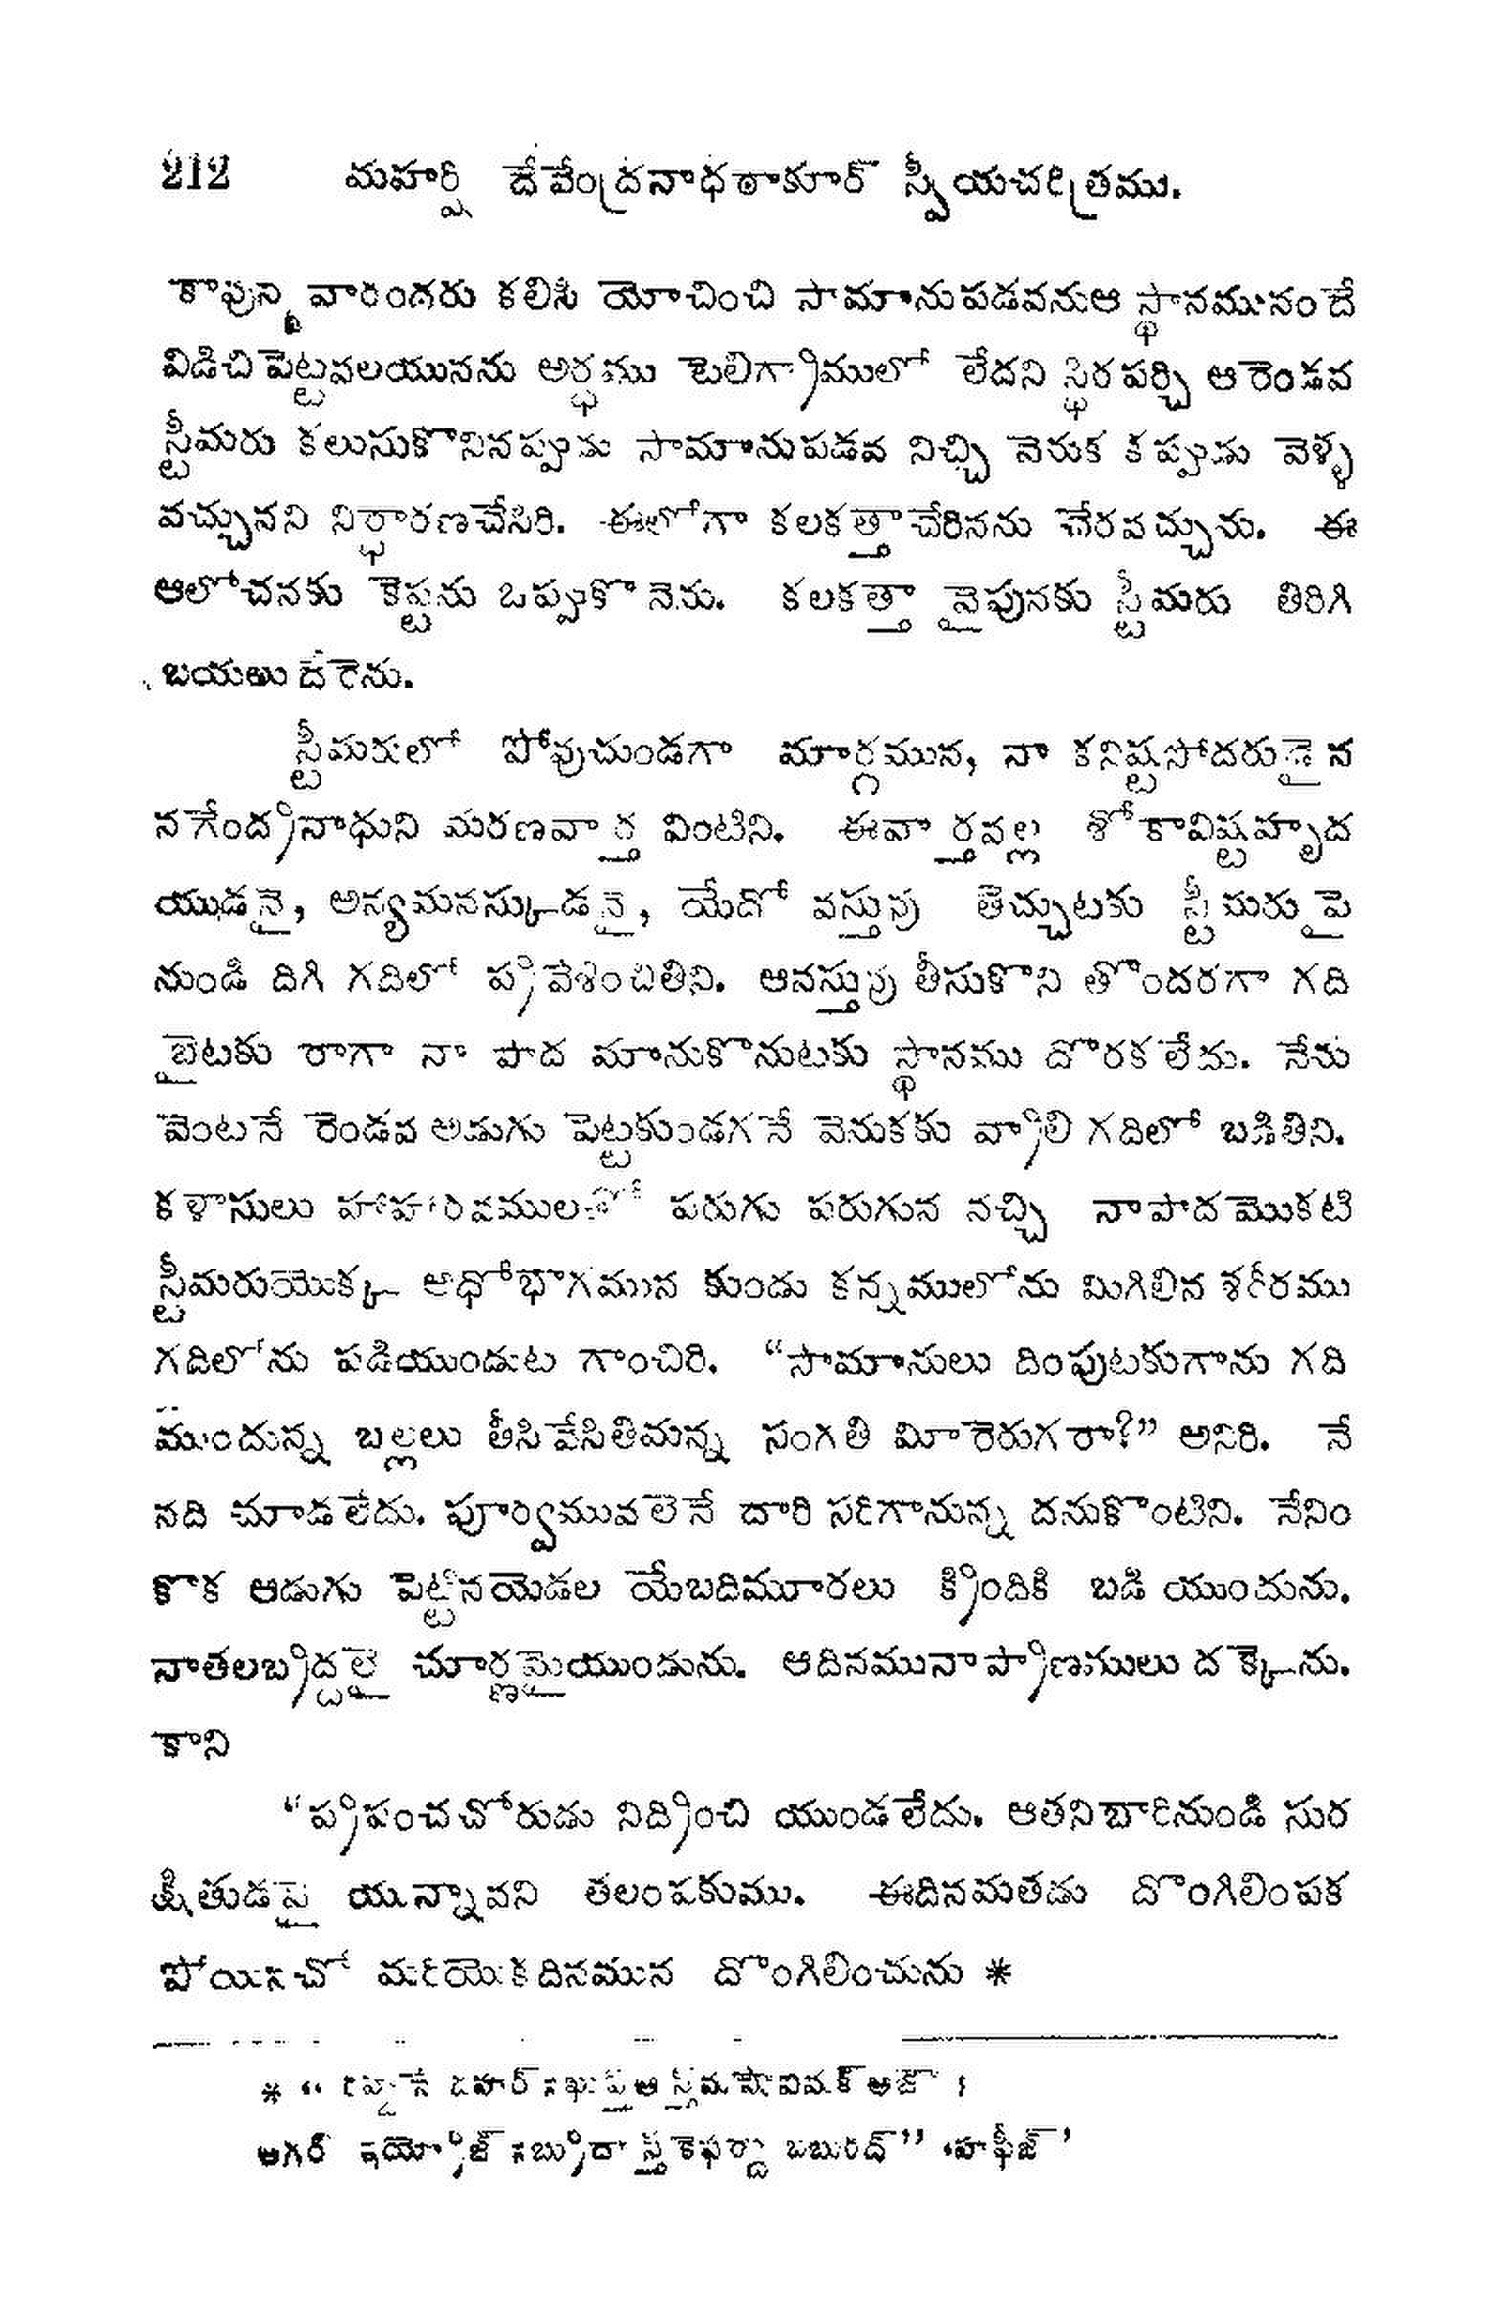'

కొవున్న వారందరు కలిసి యోచించి సామాను పడవను ఆ స్థానము నందే
విడిచి పెట్ట వలయునను అర్థము టెలిగా గ్రాములో లేదని స్థిరపర్చి ఆ రెండవ
స్టీమరు కలుసుకొని నప్పుడు సామాను పడవ నిచ్చి వెనుక కప్పుడు వెళ్ళ
వచ్చునని నిర్ధారణ చేసిరి. ఈలోగా కలకత్తా చేరినను చేరవచ్చును. ఈ
ఆలోచనకు కెప్టను ఒప్పుకొ నెను. కలకత్తా నైపునకు స్టీమరు తిరిగి
బయలు దేరెను. 

స్టీమకులో పోవుచుండగా మార్గమున, నా కనిష్ట సోదరుడైన
నాగేంద్ర నాధుని మరణవార్త వింటిని. ఈవార్త వల్ల శోకావిష్ట హృద
యుడనై, అన్యమనస్కుడనై యేదో వస్తును తెచ్చుటకు స్టీమరు పై
నుండి దిగి గదిలో ప్రవేశించితిని, ఆనస్తుపు తీసుకొని తొందరగా గది
బైటకు రాగా నా పొద మానుకొనుటకుస్థానము దొరక లేదు. నేను
'వెంటనే రెండవ అడుగు పెట్టకుండగ నే వెనుకకు వాలి గదిలో బడితిని,
కళాసులు హాహారవముల... -పరుగు పరుగున నచ్చి నా పొద మొకటి
స్టీమరుయొక్క, అధోభాగమున కుండు కన్నములోను మిగిలిన శరీరము
గదిలో'ను పడియుండుట గాంచిరి. "సామానులు దింపుటకుగాను గది
ముందున్న బల్లలు తీసి వేసితిమన్న సంగతి మీరెరుగరా?” అనిరి. నే
సది చూడ లేదు. పూర్వమువలెనే దారి సరిగానున్న దనుకొంటిని. నేనిం
కొక అడుగు పెట్టిన యెడల యేబదిమూరలు కిందికి బడి యుందును.
నాతల బద్దలై చూర్ణమైయుండును. ఆదినమునా ప్రాణములు దక్కెను.
కాని

“ప్రపంచచోరుడు నిద్రించి యుండ లేదు. అతని బారినుండి సుర
క్షితుడనై యున్నావని తలంపకుము. ఈదినమతడు దొంగిలింపక
పోయిచో మయెక దినమున దొంగిలించును *

t